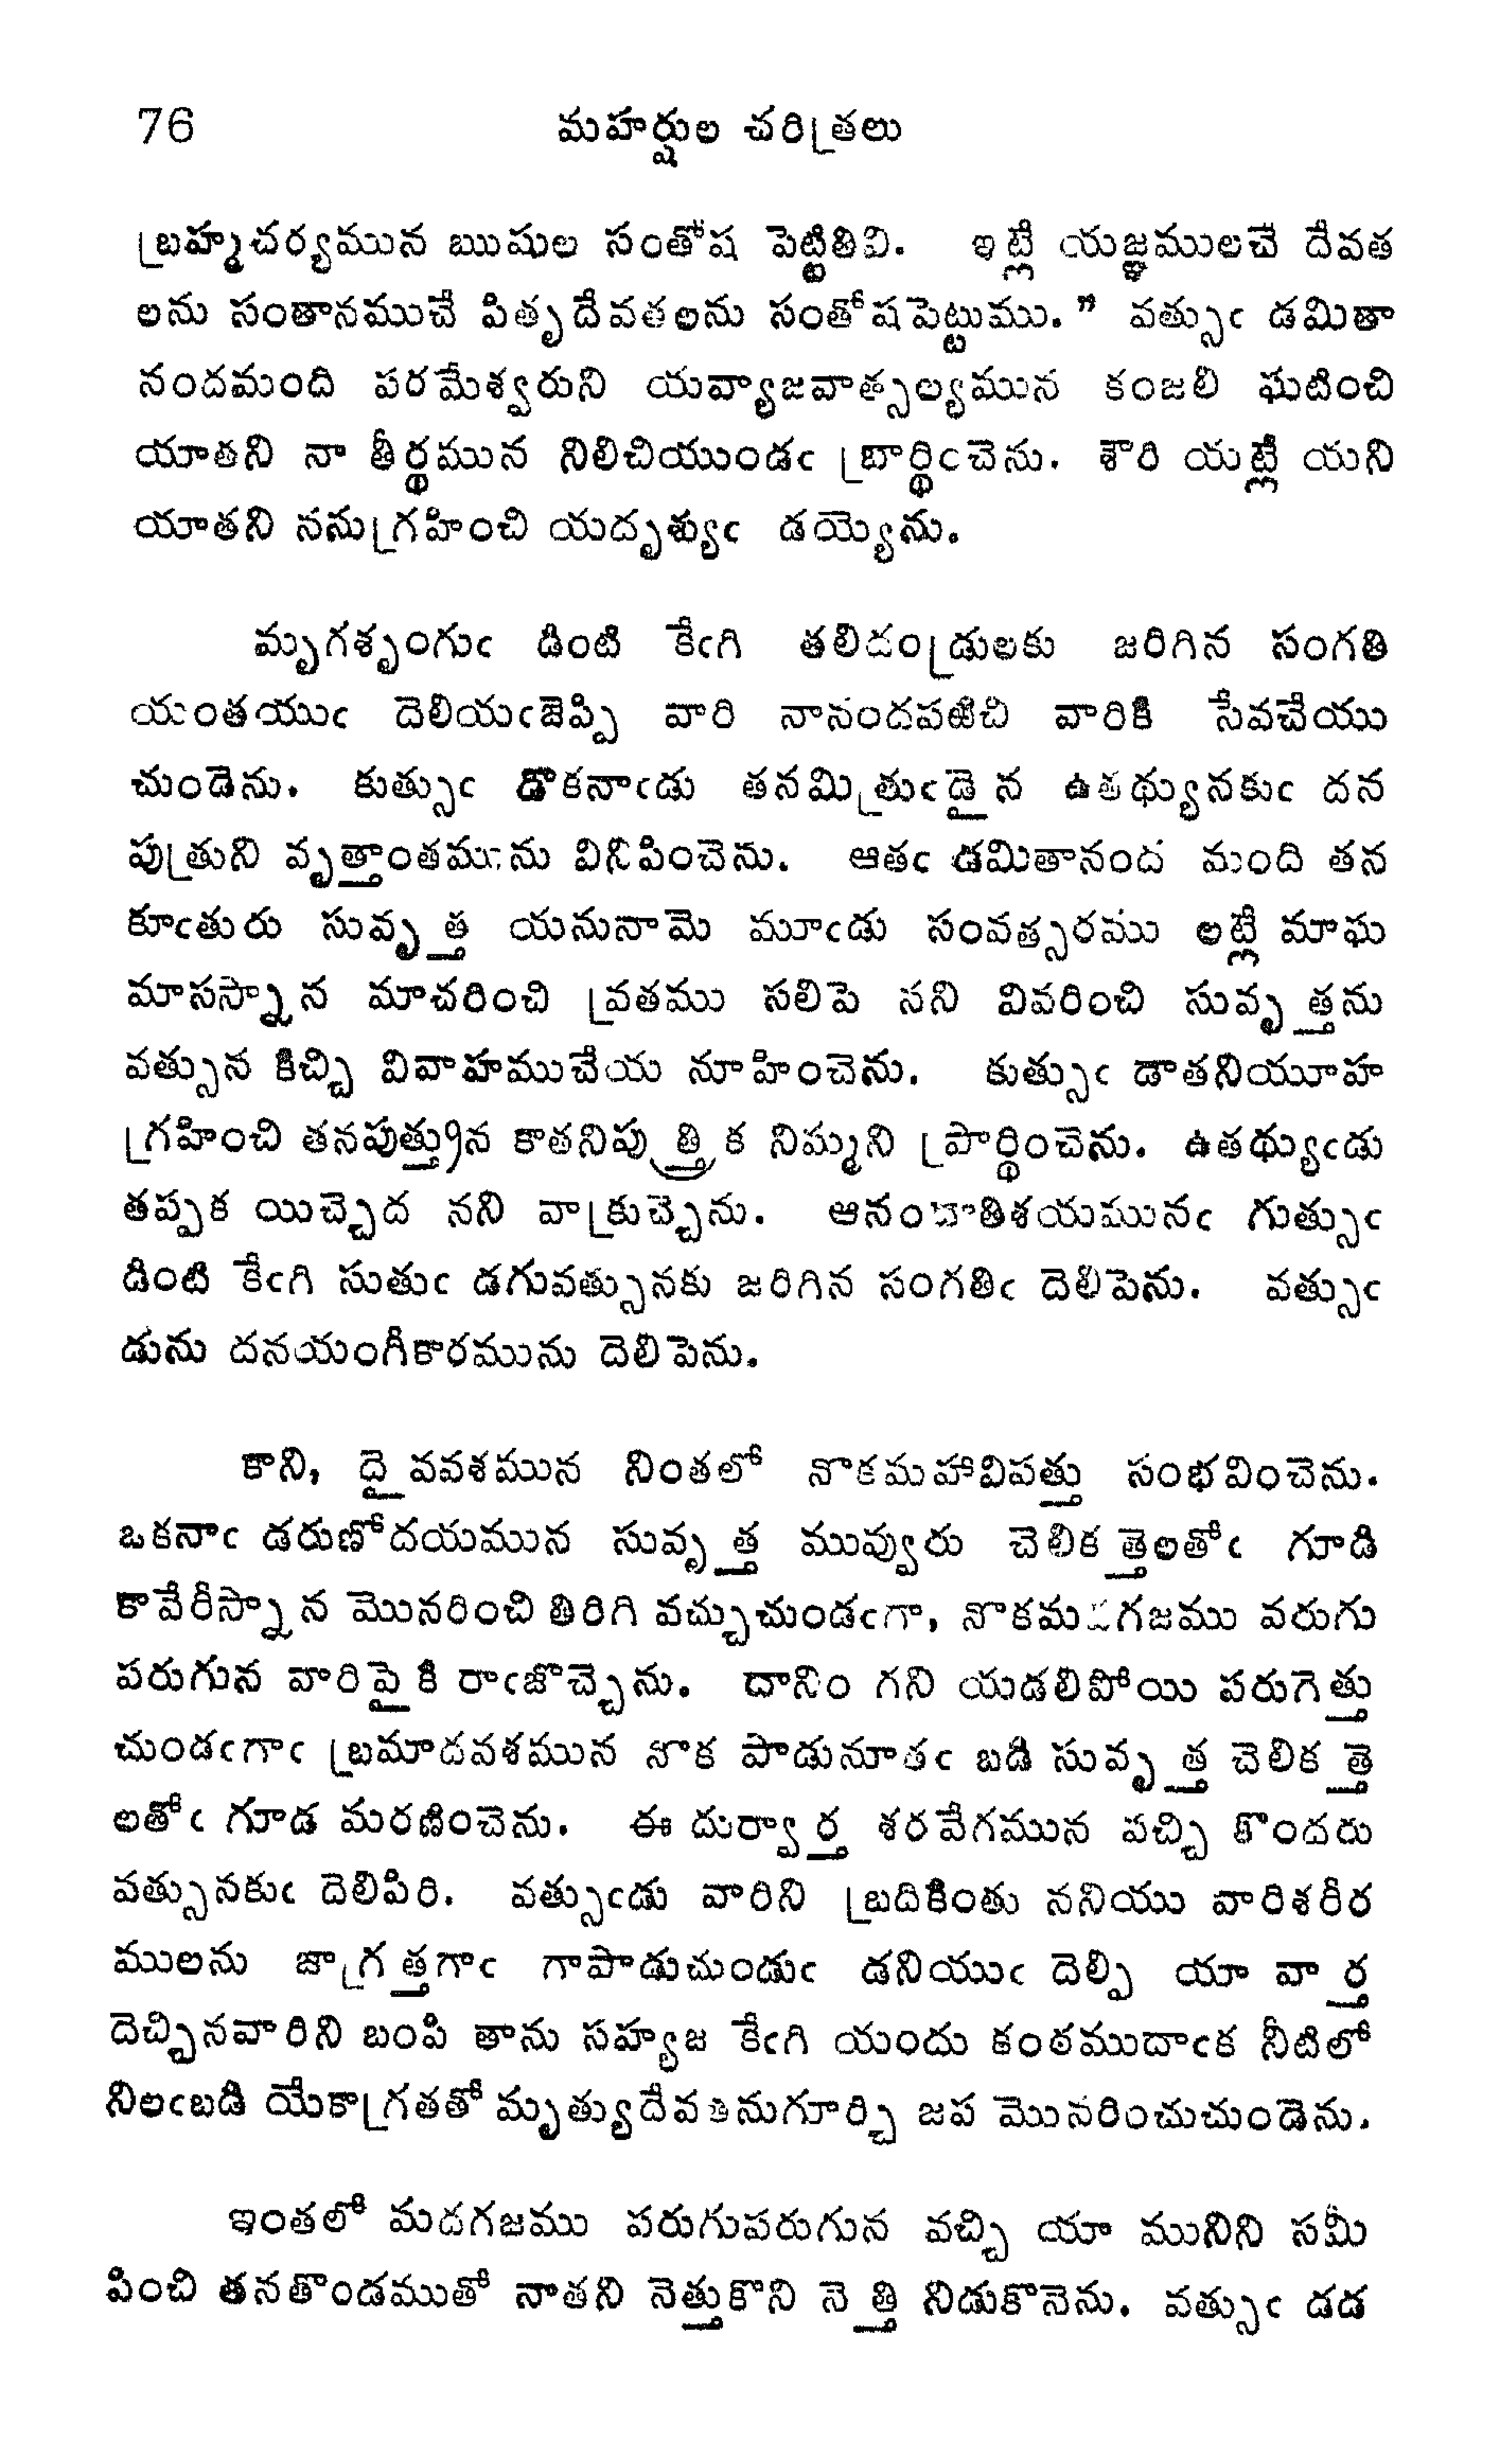బ్రహ్మచర్యమున ఋషుల సంతోష పెట్టితివి. ఇట్లే యజ్ఞములచే దేవతలను సంతానముచే పితృదేవతలను సంతోషపెట్టుము." వత్సుఁ డమితానందమంది పరమేశ్వరుని యవ్యాజవాత్సల్యమున కంజలి ఘటించి యాతని నా తీర్థమున నిలిచియుండఁ బ్రార్థించెను. శౌరి యట్లే యని యాతని ననుగ్రహించి యదృశ్యుఁ డయ్యెను.

మృగశృంగుఁ డింటి కేఁగి తలిదండ్రులకు జరిగిన సంగతి యంతయుఁ దెలియఁజెప్పి వారి నానందపఱిచి వారికి సేవచేయు చుండెను. కుత్సుఁ డొకనాఁడు తనమిత్రుఁడైన ఉతథ్యునకుఁ దన పుత్రుని వృత్తాంతము:ను వినిపించెను. ఆతఁ డమితానంద మంది తన కూఁతురు సువృత్త యనునామె మూఁడు సంవత్సరము లట్లే మాఘమాసస్నాన మాచరించి వ్రతము సలిపె నని వివరించి సువృత్తను వత్సున కిచ్చి వివాహముచేయ నూహించెను. కుత్సుఁ డాతనియూహ
గ్రహించి తనపుత్త్రున కాతనిపుత్తి క నిమ్మని ప్రార్థించెను. ఉతథ్యుఁడు తప్పక యిచ్చెద నని వాక్రుచ్చెను. ఆనందాతిశయమునఁ గుత్సుఁ డింటి కేఁగి సుతుఁ డగువత్సునకు జరిగిన సంగతిఁ దెలిపెను. వత్సుఁడును దనయంగీకారమును దెలిపెను.

కాని, దైవవశమున నింతలో నొకమహావిపత్తు సంభవించెను. ఒకనాఁ డరుణోదయమున సువృత్త మువ్వురు చెలికత్తెలతోఁ గూడి కావేరీస్నాన మొనరించి తిరిగి వచ్చుచుండఁగా, నొకమదగజము పరుగు పరుగున వారిపైకి రాఁజొచ్చెను. దానిం గని యడలిపోయి పరుగెత్తుచుండఁగాఁ బ్రమాదవశమున నొక పాడునూతఁ బడి సువృత్త చెలికత్తెలతోఁ గూడ మరణించెను. ఈ దుర్వార్త శరవేగమున వచ్చి కొందరు వత్సునకుఁ దెలిపిరి. వత్సుఁడు వారిని బ్రదికింతు ననియు పారిశరీరములను జాగ్రత్తగాఁ గాపాడుచుండుఁ డనియుఁ దెల్ఫి యా వార్త దెచ్చినవారిని బంపి తాను సహ్యజ కేఁగి యందు కంఠముదాఁక నీటిలో నిలఁబడి యేకాగ్రతతో మృత్యుదేవతనుగూర్చి జప మొనరించుచుండెను.

ఇంతలో మదగజము పరుగుపరుగున వచ్చి యా మునిని సమీపించి తనతొండముతో నాతని నెత్తుకొని నెత్తి నిడుకొనెను. వత్సుఁ డడ